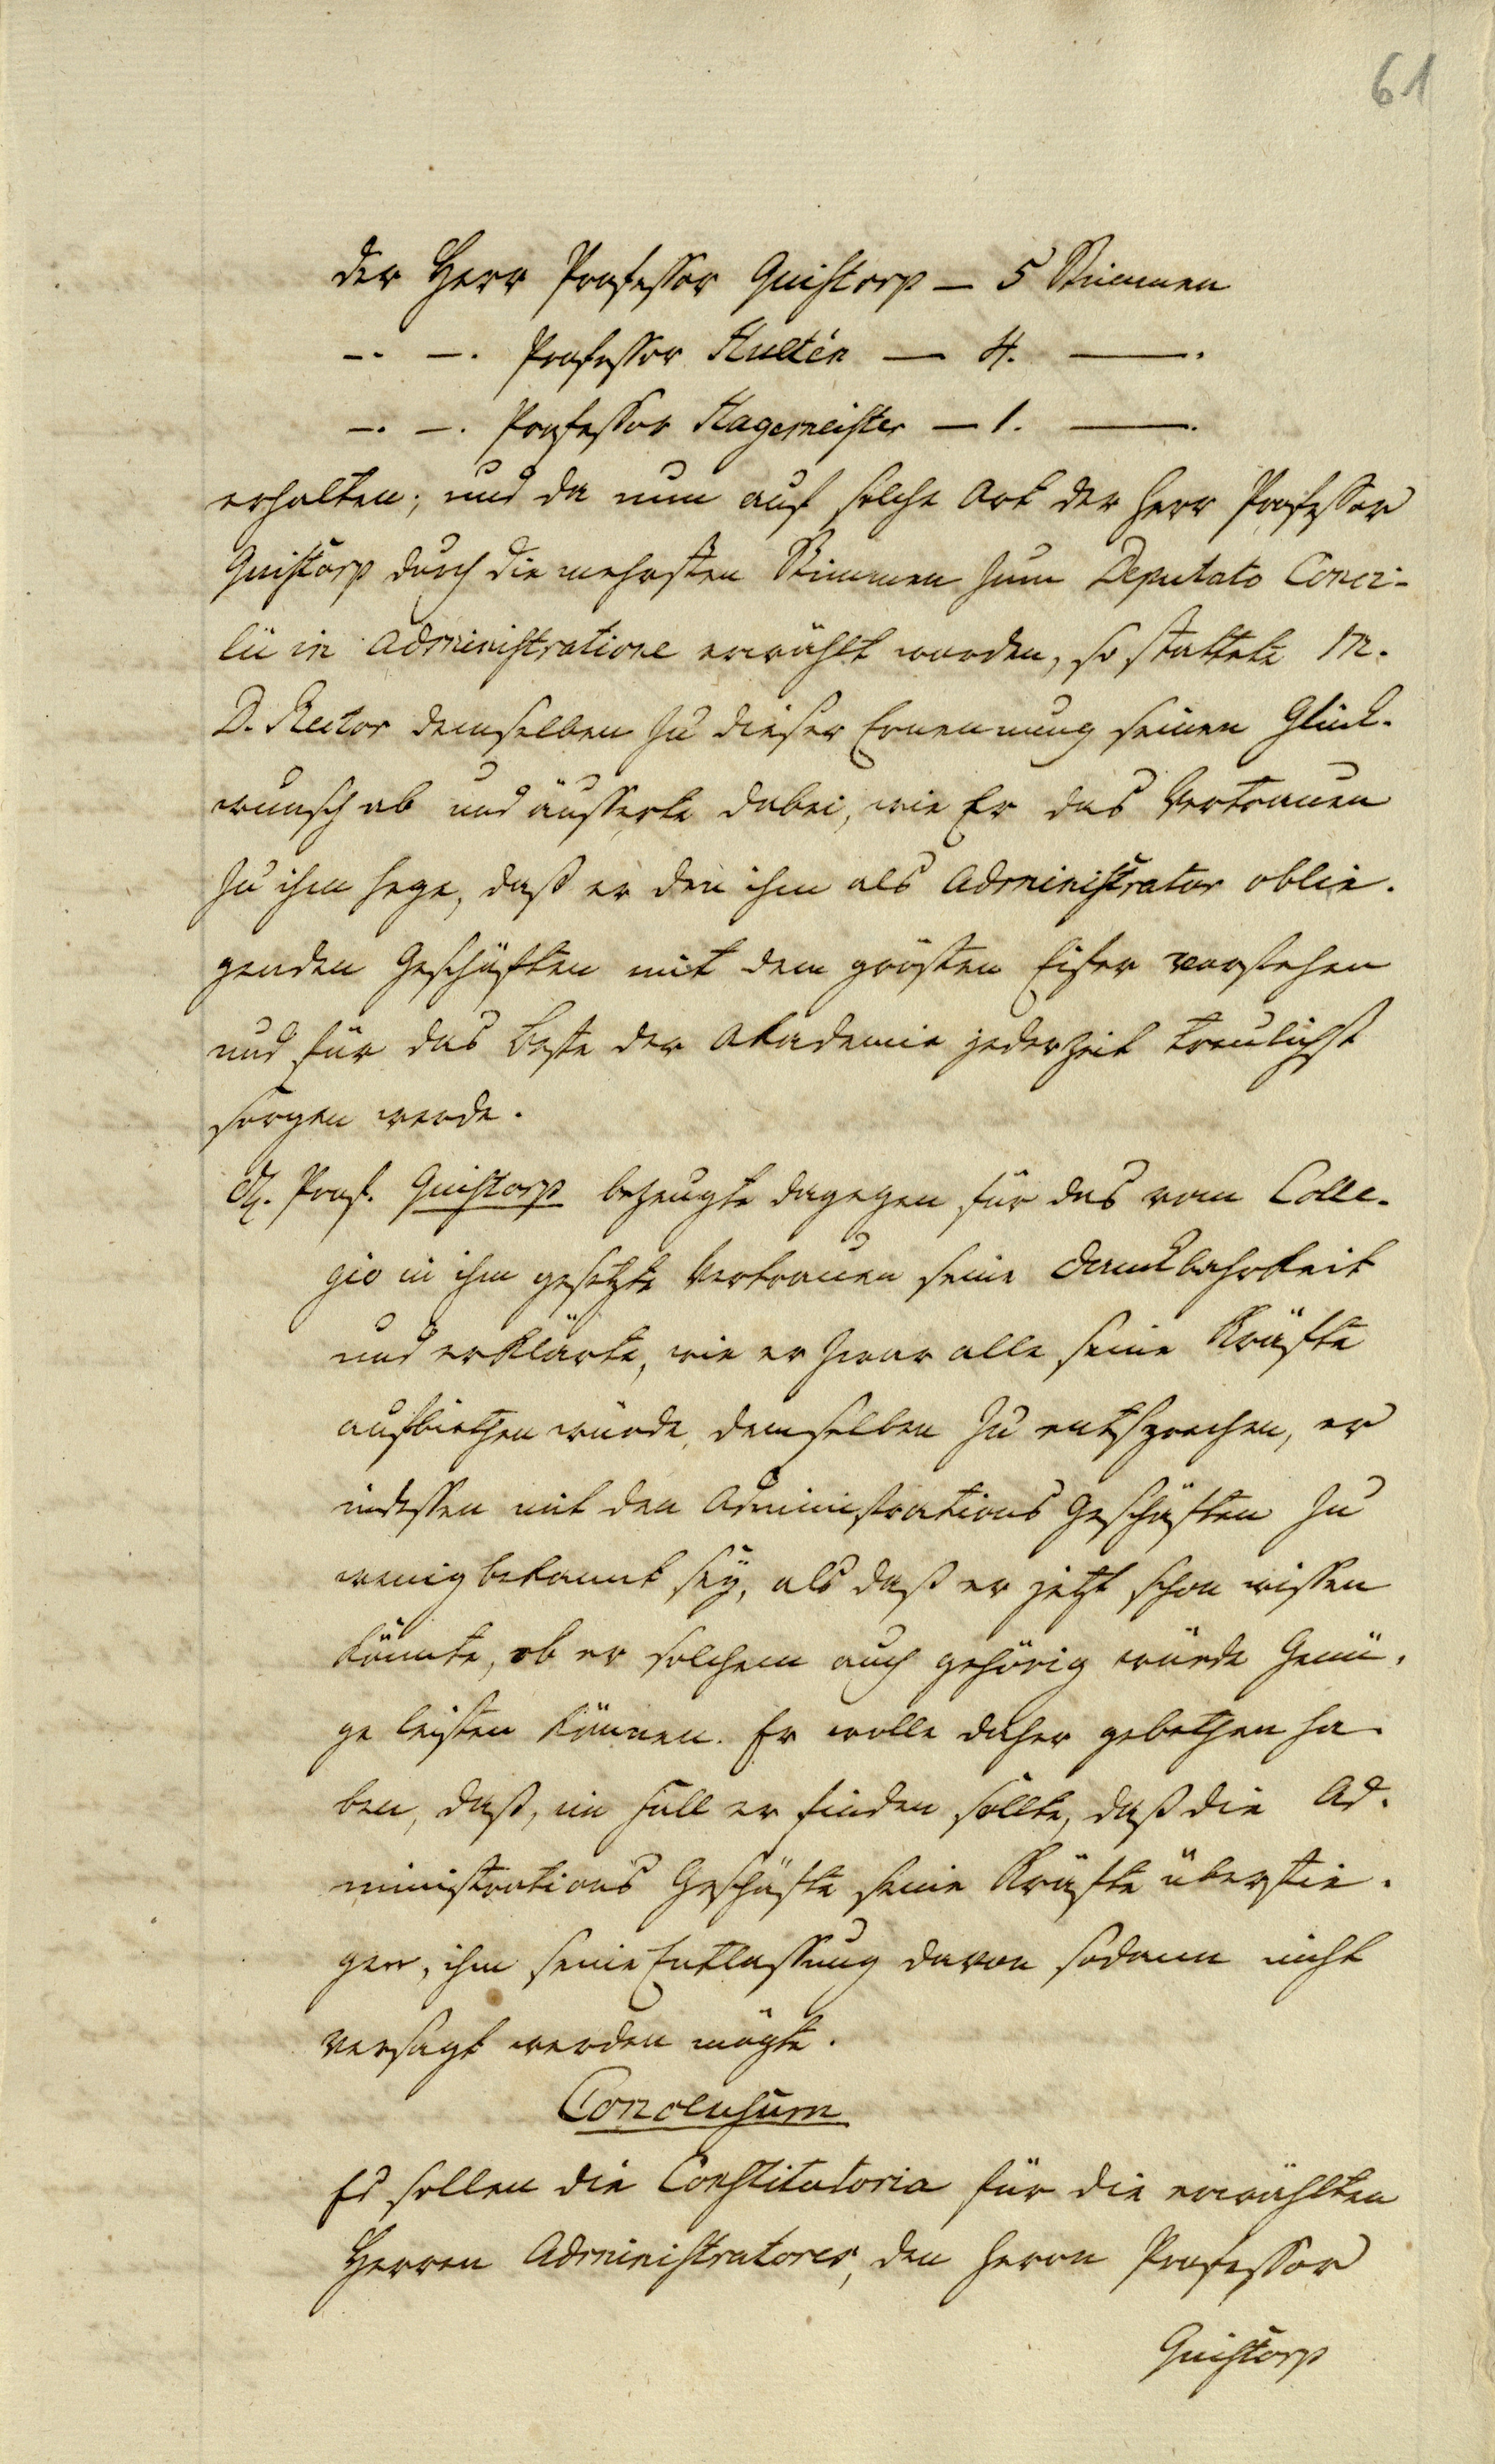der Herr Professor Quistorp 5 Stimmen
Professor Hultén 4.
Professor Hagemeister 1.
erhalten; und da nun auf solche Art der Herr Professor
Quistorp durch die mehrsten Stimmen zum Deputato Conci¬
lii in Administratione erwählt worden, so stattete M.
D. Rector demselben zu dieser Ernennung seinen Glück¬
wunsch ab und äusserte dabei, wie Er das Vertrauen
zu ihm hege, daß er den ihm als Administrator oblie¬
genden Geschäften mit dem grösten Eifer versehen
und für das Beste der Akademie jederzeit treulichst
sorgen werde.
dh. Prof. Quistorp bezeugte dagegen für das vom Colle¬
gio in ihm gesetzte Vertrauen seine Danckbahrkeit
und erklärte, wie er zwar alle seine Kräfte
aufbiethen würde, demselben zu entsprechen, er
indessen mit den Adminstrations Geschäften zu
wenig bekannt seÿ, als daß er jetzt schon wissen
könnte, ob er solchem auch gehörig würde Genü¬
ge leisten können. Er wolle daher gebethen ha¬
ben, daß, im Fall er finden sollte, daß die Ad¬
ministrations Geschäfte seine Kräfte überstie¬
gen, ihm seine Entlassung davon sodann nicht
versagt werden mögte.
Conclusum
Es sollen die Constitutoria für die erwählten
Herren Administratores, den Herrn Professor
Quistorp